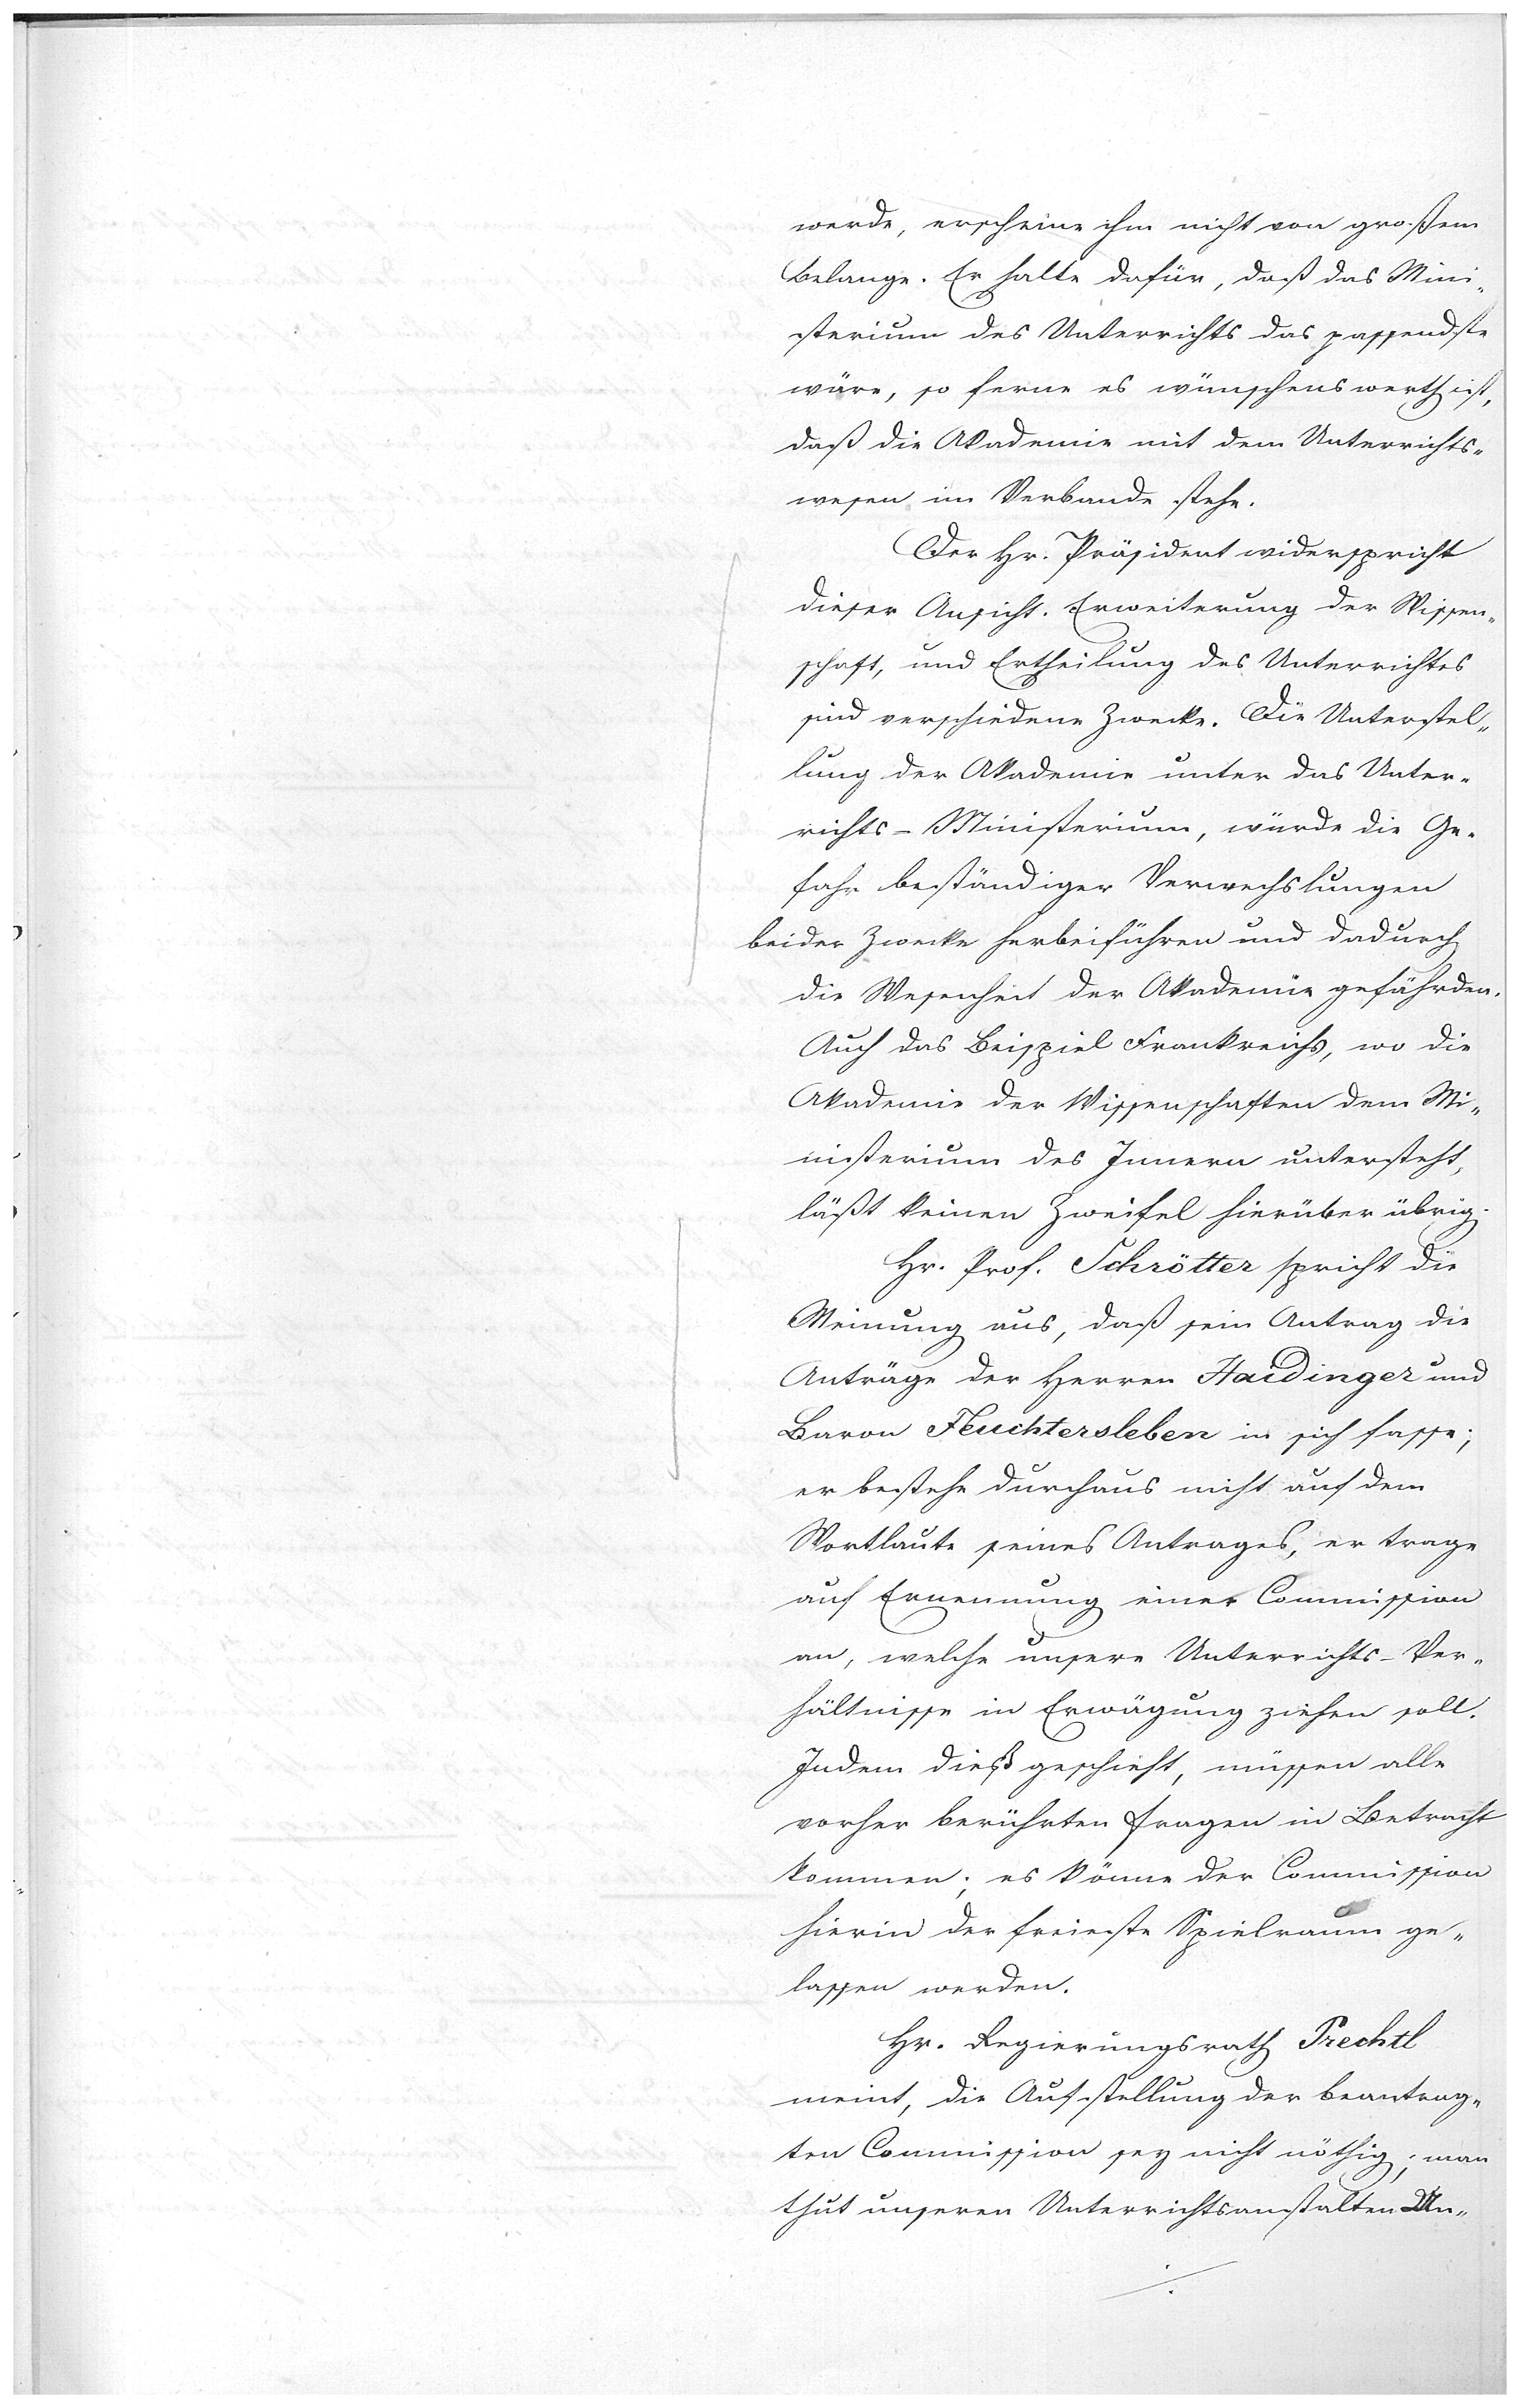werde, erscheine ihm nicht von großem
Belange. Er halte dafür, daß das Mini-
sterium des Unterrichts das passendste
wäre, so ferne es wünschenswerth ist,
daß die Akademie mit dem Unterrichts-
wesen im Verbande stehe.
Der Hr. Präsident widerspricht
dieser Ansicht. Erweiterung der Wissen-
schaft, und Ertheilung des Unterrichtes
sind verschiedene Zwecke. Die Unterstel-
lung der Akademie unter das Unter-
richts-Ministerium, würde die Ge-
fahr beständinger Verwechslungen
beiden Zwecke herbeiführen und dadurch
die Wesenheit der Akademie gefährden.
Auch das Beispiel Frankreich, wo die
Akademie der Wissenschaften dem Mi-
nisterium des Innern untersteht,
läßt keinen Zweifel hierüber übrig.
Hr. Prof. Schrötter spricht die
Meinung aus, daß sein Antrag die
Anträge der Herren Haidinger und
Baron Feuchtersleben in sich fasse;
er bestehe durchaus nicht auf dem
Wortlaute seines Antrages, er trage
auf Ernennung einer Commission
an, welche unsere Unterichts-Ver-
hältnisse in Erwägung ziehen soll.
Indem dieß geschieht müssen alle
vorher berührten Fragen in Betracht
kommen; es könne der Commission
hierin der freieste Spielraum ge-
lassen werden.
Hr. Regierungsrath Prechtl
meint, die Aufstellung der beantrag-
ten Commission sey nicht nöthig; man
thut unseren Unterrichtsanstalten Un-